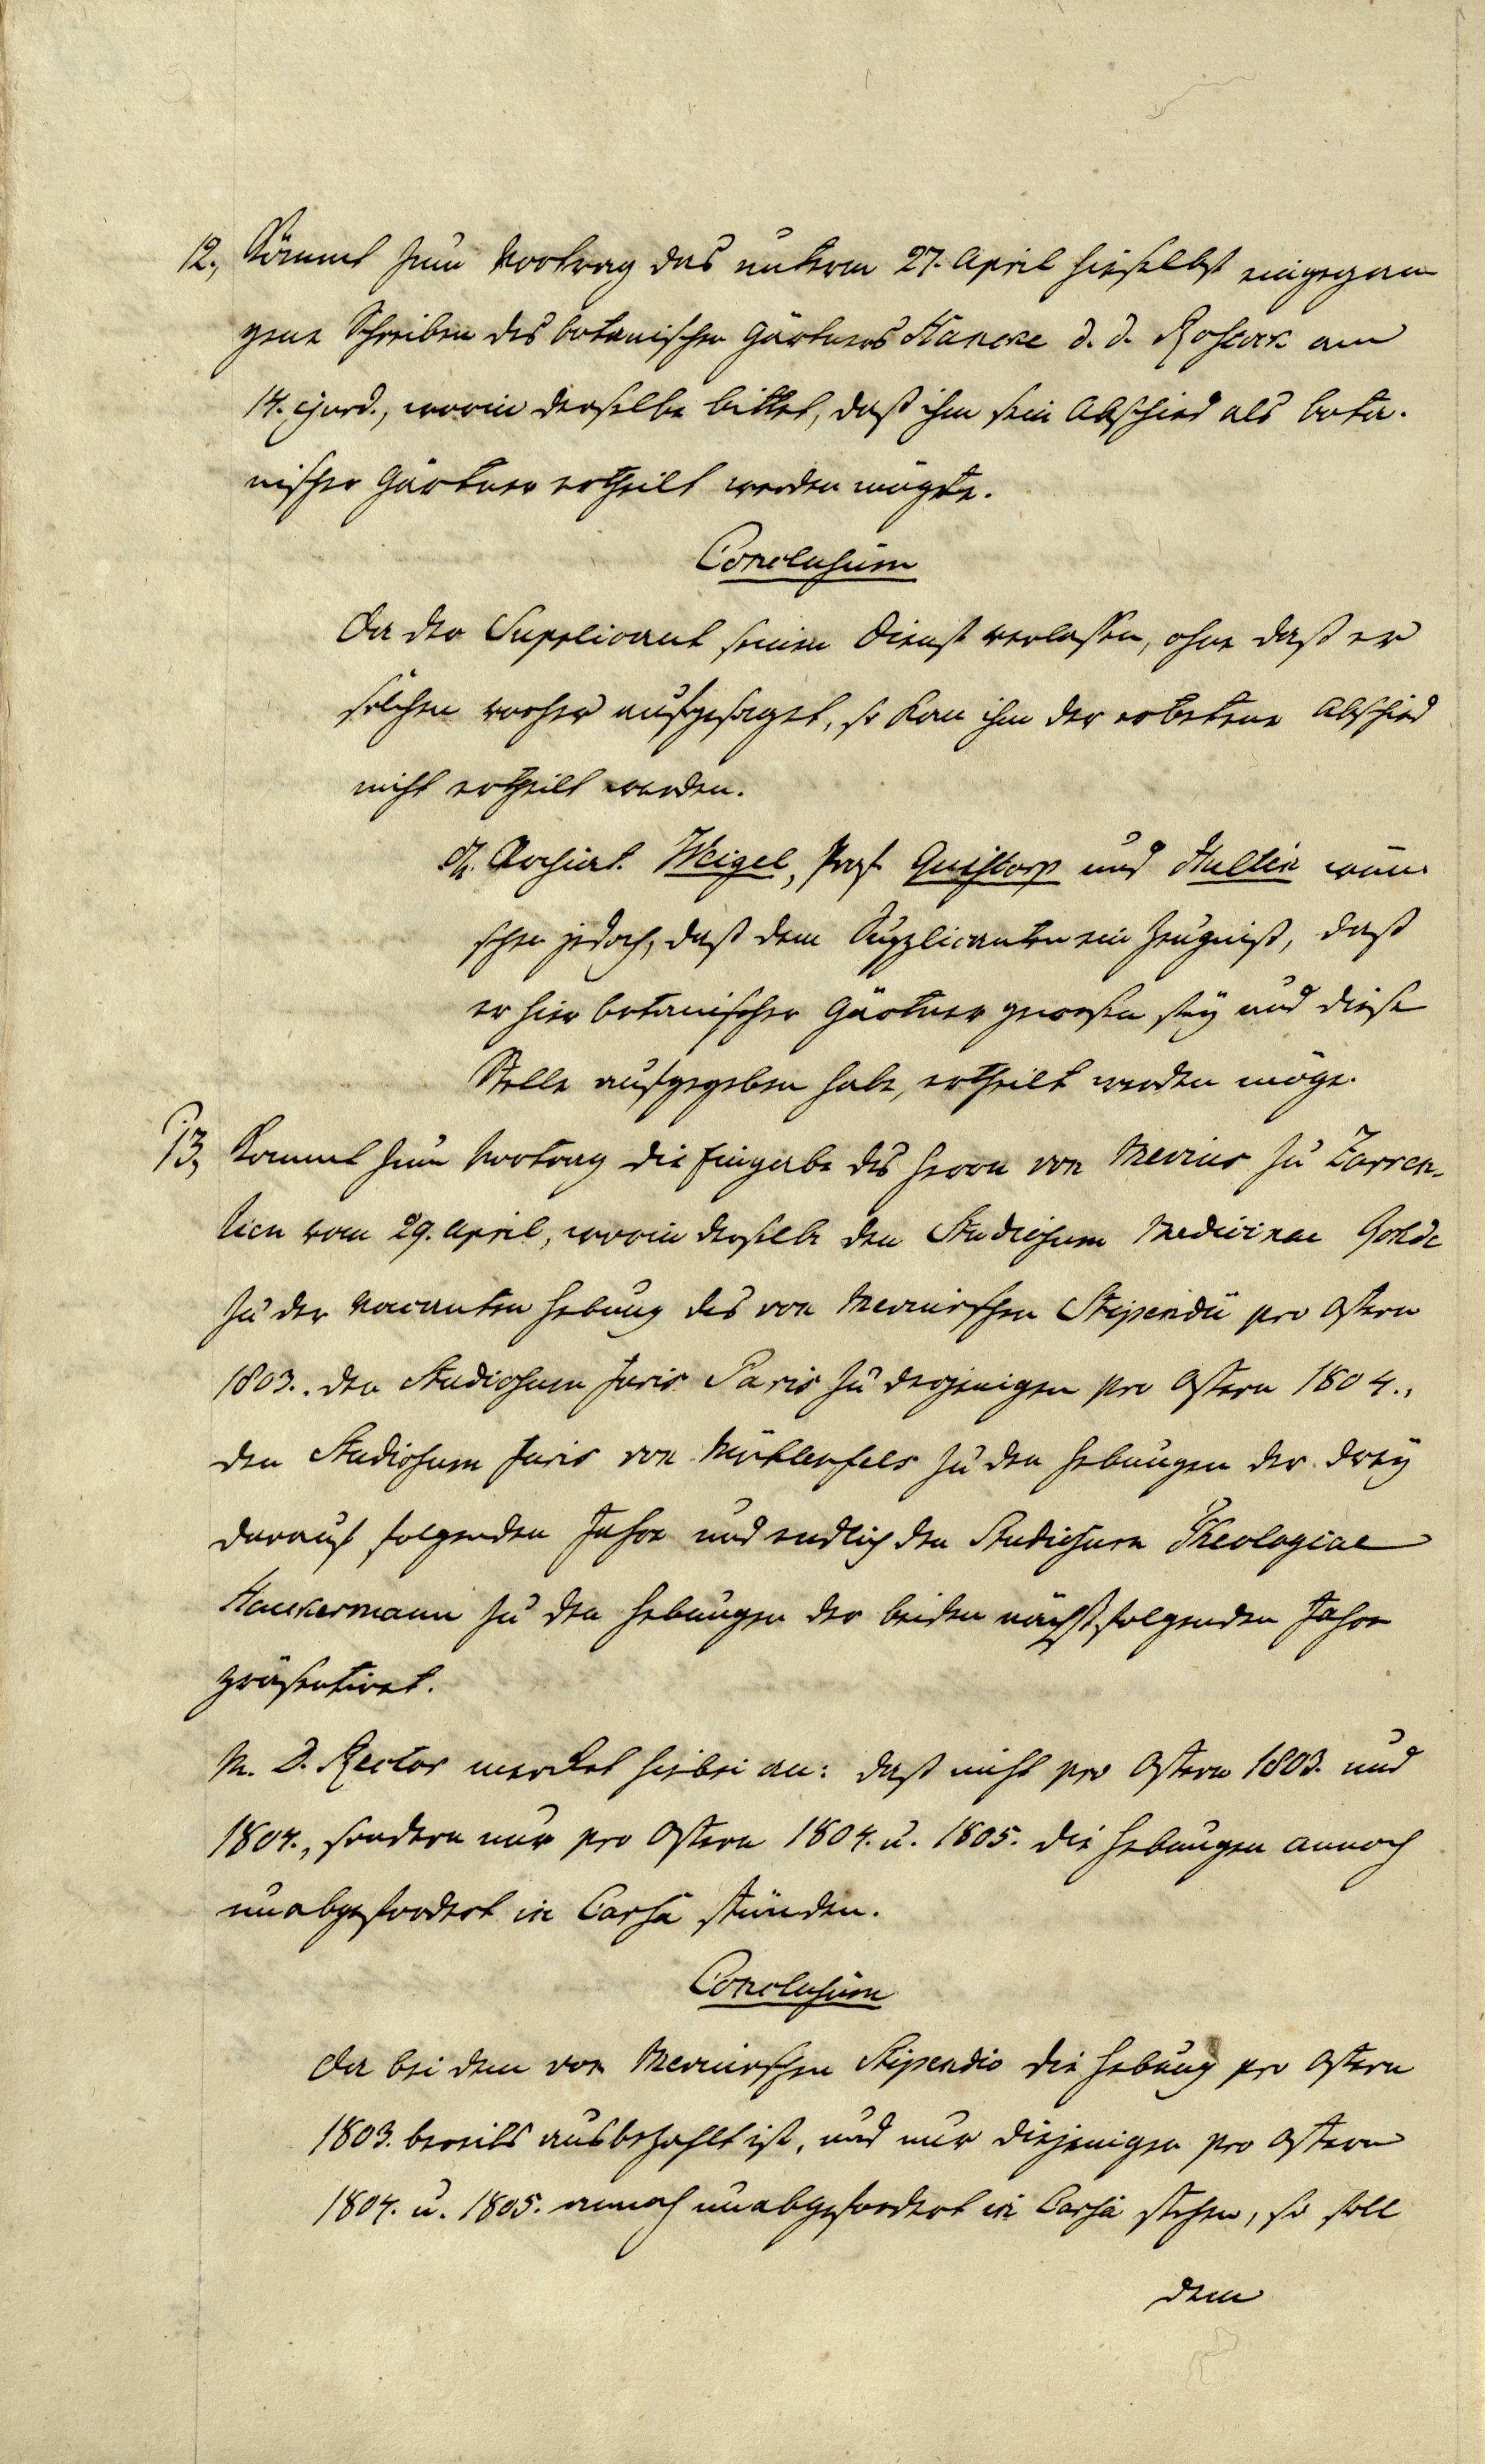12., Kömmt zum Vortrag das unterm 27. April hieselbst eingegan¬
gene Schreiben des botanischen Gärtners Hancke d. d. Rostock am
14. ejusd., worin derselbe bittet, daß ihm sein Abschied als bota¬
nischen Gärtner ertheilt werden mögte.
Conclusum
Da der Supplicant seinen Dienst verlassen, ohne daß er
solchen vorher aufgesaget, so kan ihm der erbetene Abschied
nicht ertheilt werden.
dh. Archiat Weigel, Prof. Quistorp und Hultén wün¬
schen jedoch, daß dem Supplicanten ein Zeugniß, daß
er hier botanischer Gärtner gewesen seÿ und diese
Stelle aufgegeben habe, ertheilt werden möge.
13. Kommt zum Vortrag die Eingabe des Herrn von Mevius zu Zarren¬
tien vom 29. April, worin derselbe den Studiosum Medicinae Rohde
zu der vacanten Hebung des von Meviusschen Stipendii pro Ostern
1803.. den Studiosum Juris Paris zu derjenigen pro Ostern 1804.,
den Studiosum Juris von Mühlenfels zu den Hebungen der dreÿ
darauf folgenden Jahre und endlich den Studiosum Theologiae
Haeckermann zu den Hebungen der beiden nächstfolgenden Jahre
präsentiret.
M. D. Rector merket hiebei an: daß nicht pro Ostern 1803 und
1804., sondern nur pro Ostern 1804. u. 1805. die Hebungen annoch
unabgefordert in Cassa stünden.
Conclusum
Da bei dem von Meviusschen Stipendio die Hebung pro Ostern
1803. bereits ausbezahlt ist, und nur diejenigen pro Ostern
1804. u. 1805. annoch unabgefordert in Cassa stehen, so soll
dem